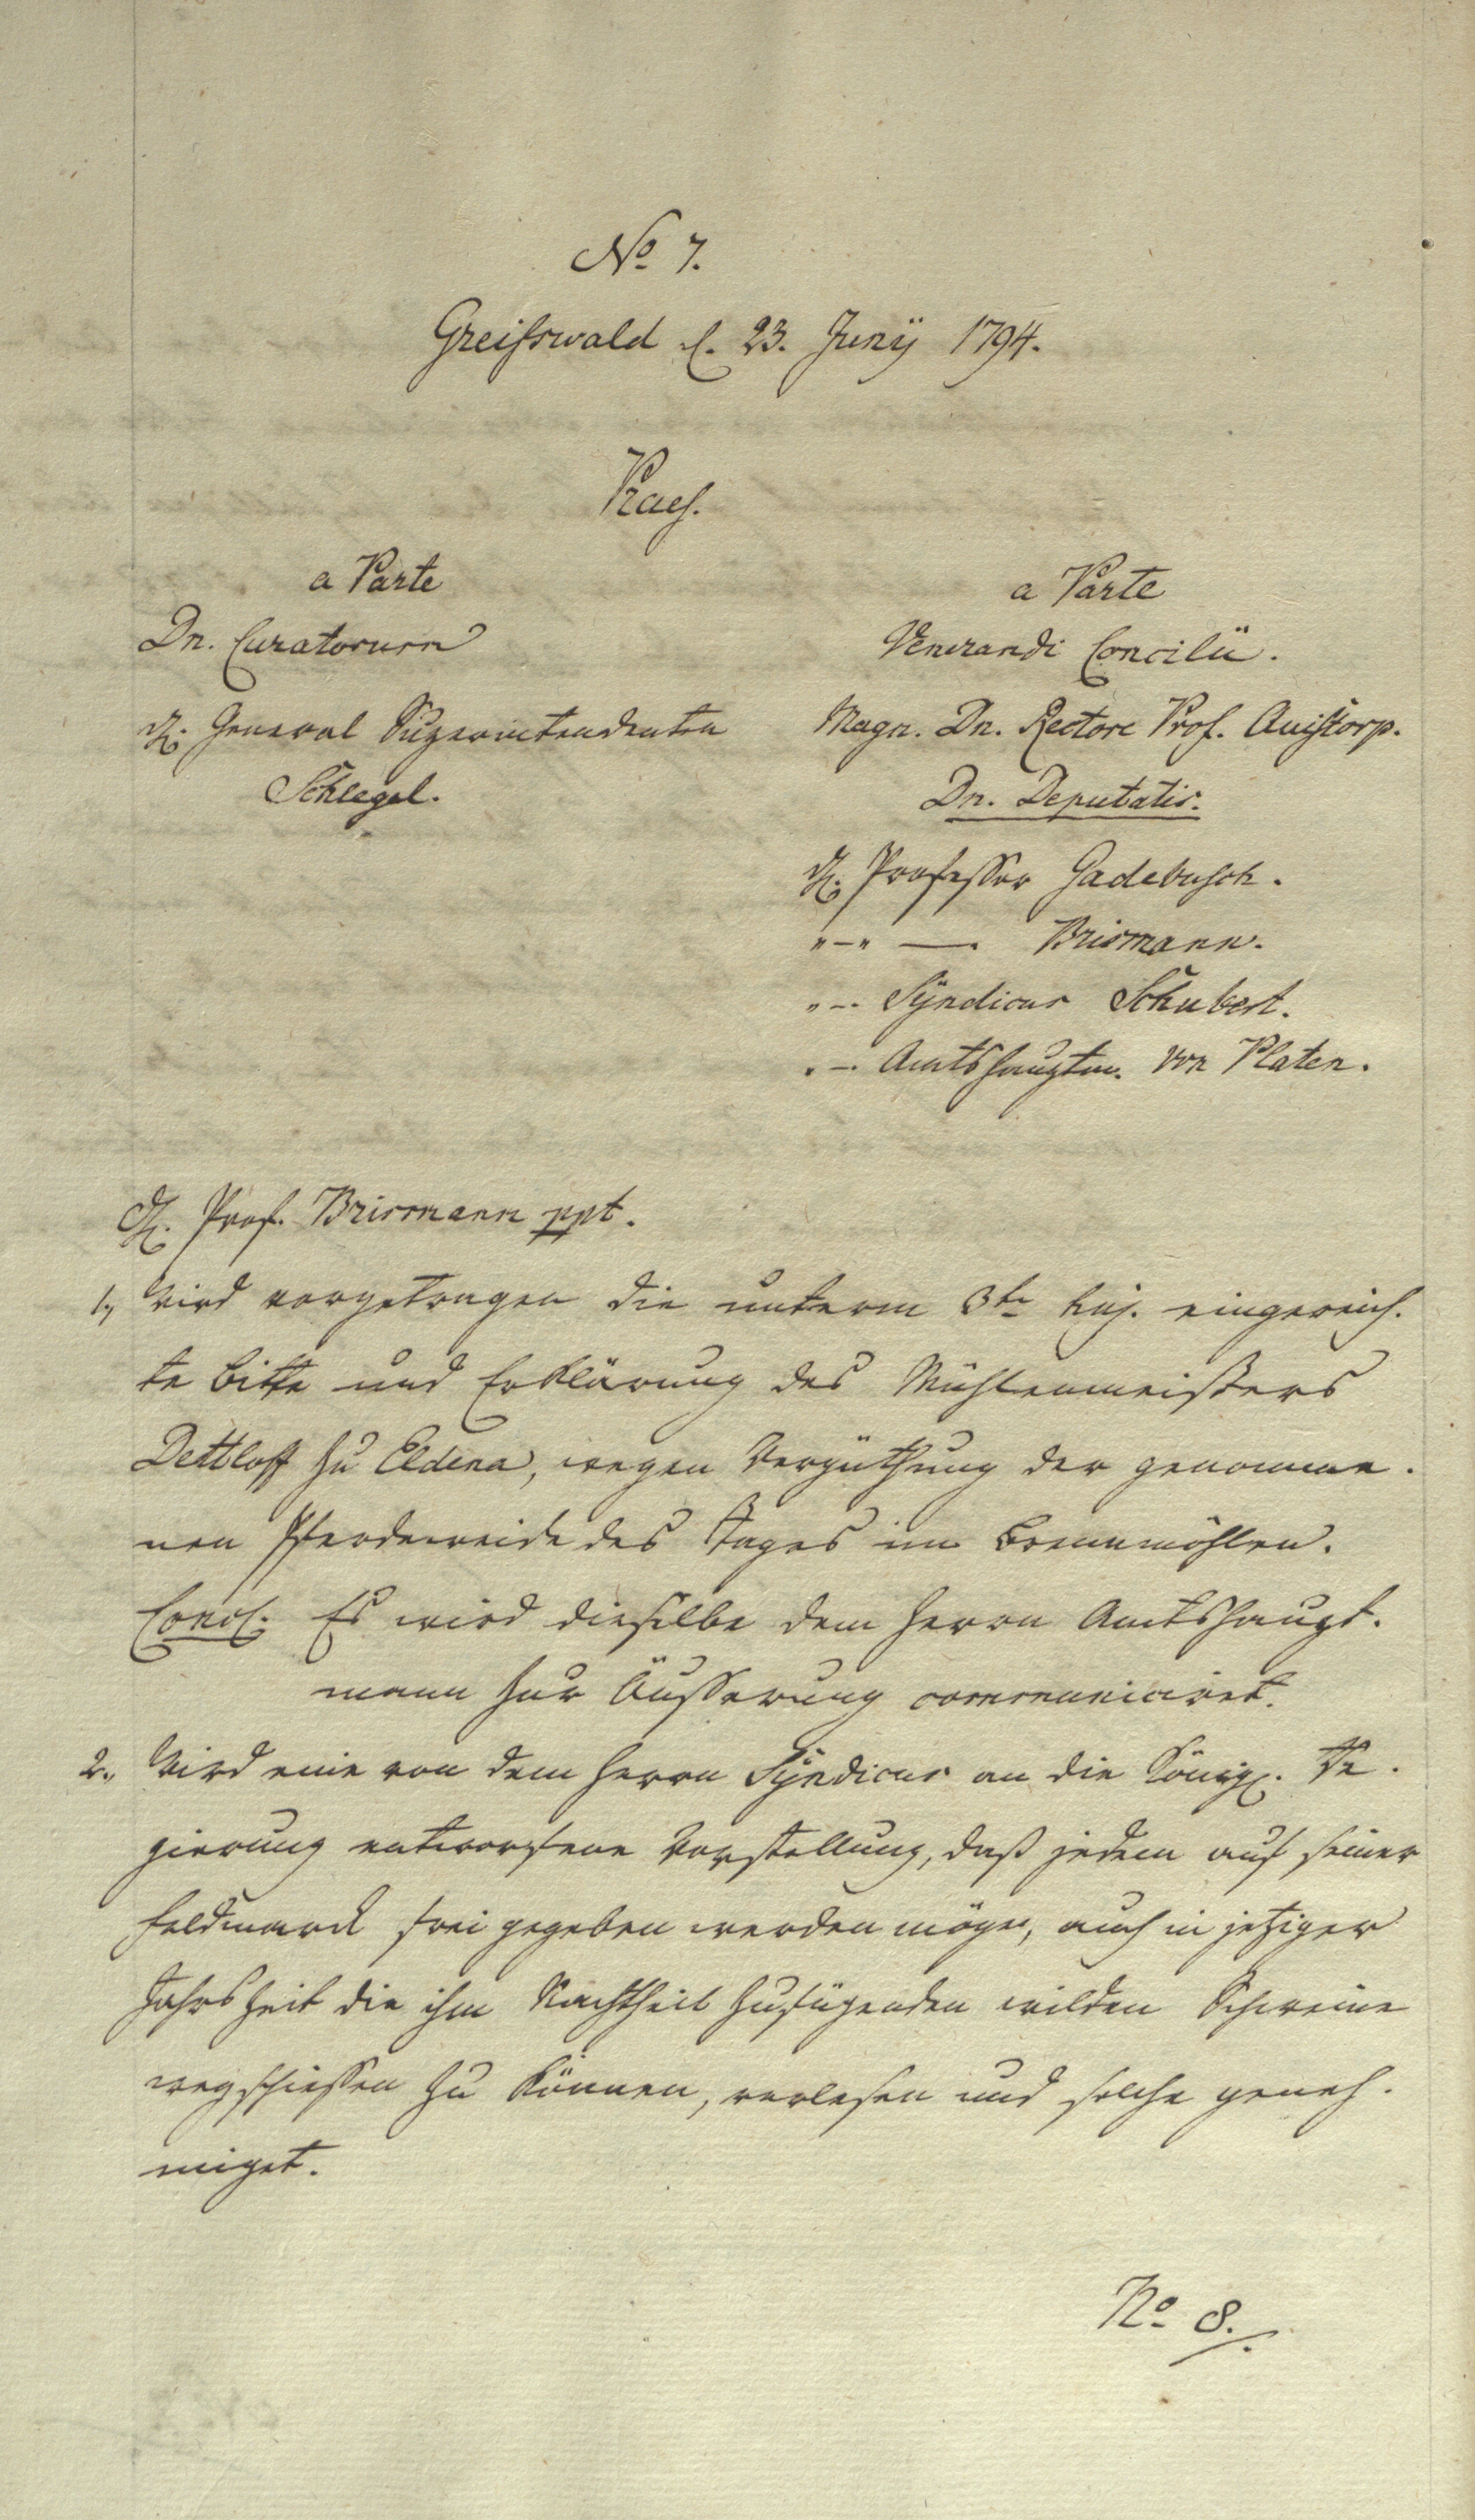dh. Prof. Brismann ppt.
1., Wird vorgetragen die unterm 3ten huj. eingereich¬
te Bitte und Erklärung des Mühlenmeisters
Dettloff zu Eldena, wegen Vergüthung der genomme¬
nen Pferdeweide des Tages im Brennmöhlen
Concl. Es wird dieselbe dem Herrn Amtshaupt¬
mann zur Äusserung communiciret.
2., Wird eine von dem Herrn Syndicus an die Königl. Re¬
gierung entworfene Vorstellung, daß jedem auf seiner
Feldmark frei gegeben werden möge, auch in jetziger
Jahreszeit die ihm Nachtheil zufügenden wilden Schweine
wegschiessen zu können, verlesen und solche geneh¬
miget.
No. 7.
Greifswald d. 23. Juny 1794
Praes
a Parte
Dn. Curatorum
dh. General Superintendentne
Schlegel
a Parte
Venerandi Concilii
Magn. Dn. Rectore Prof. Quistorp
Dn. Deputatis.
dh. Professor Gadebusch.
" - " - " Brismann.
" - " Syndicus Schubert
" - " Amtshauptm. von Platen.